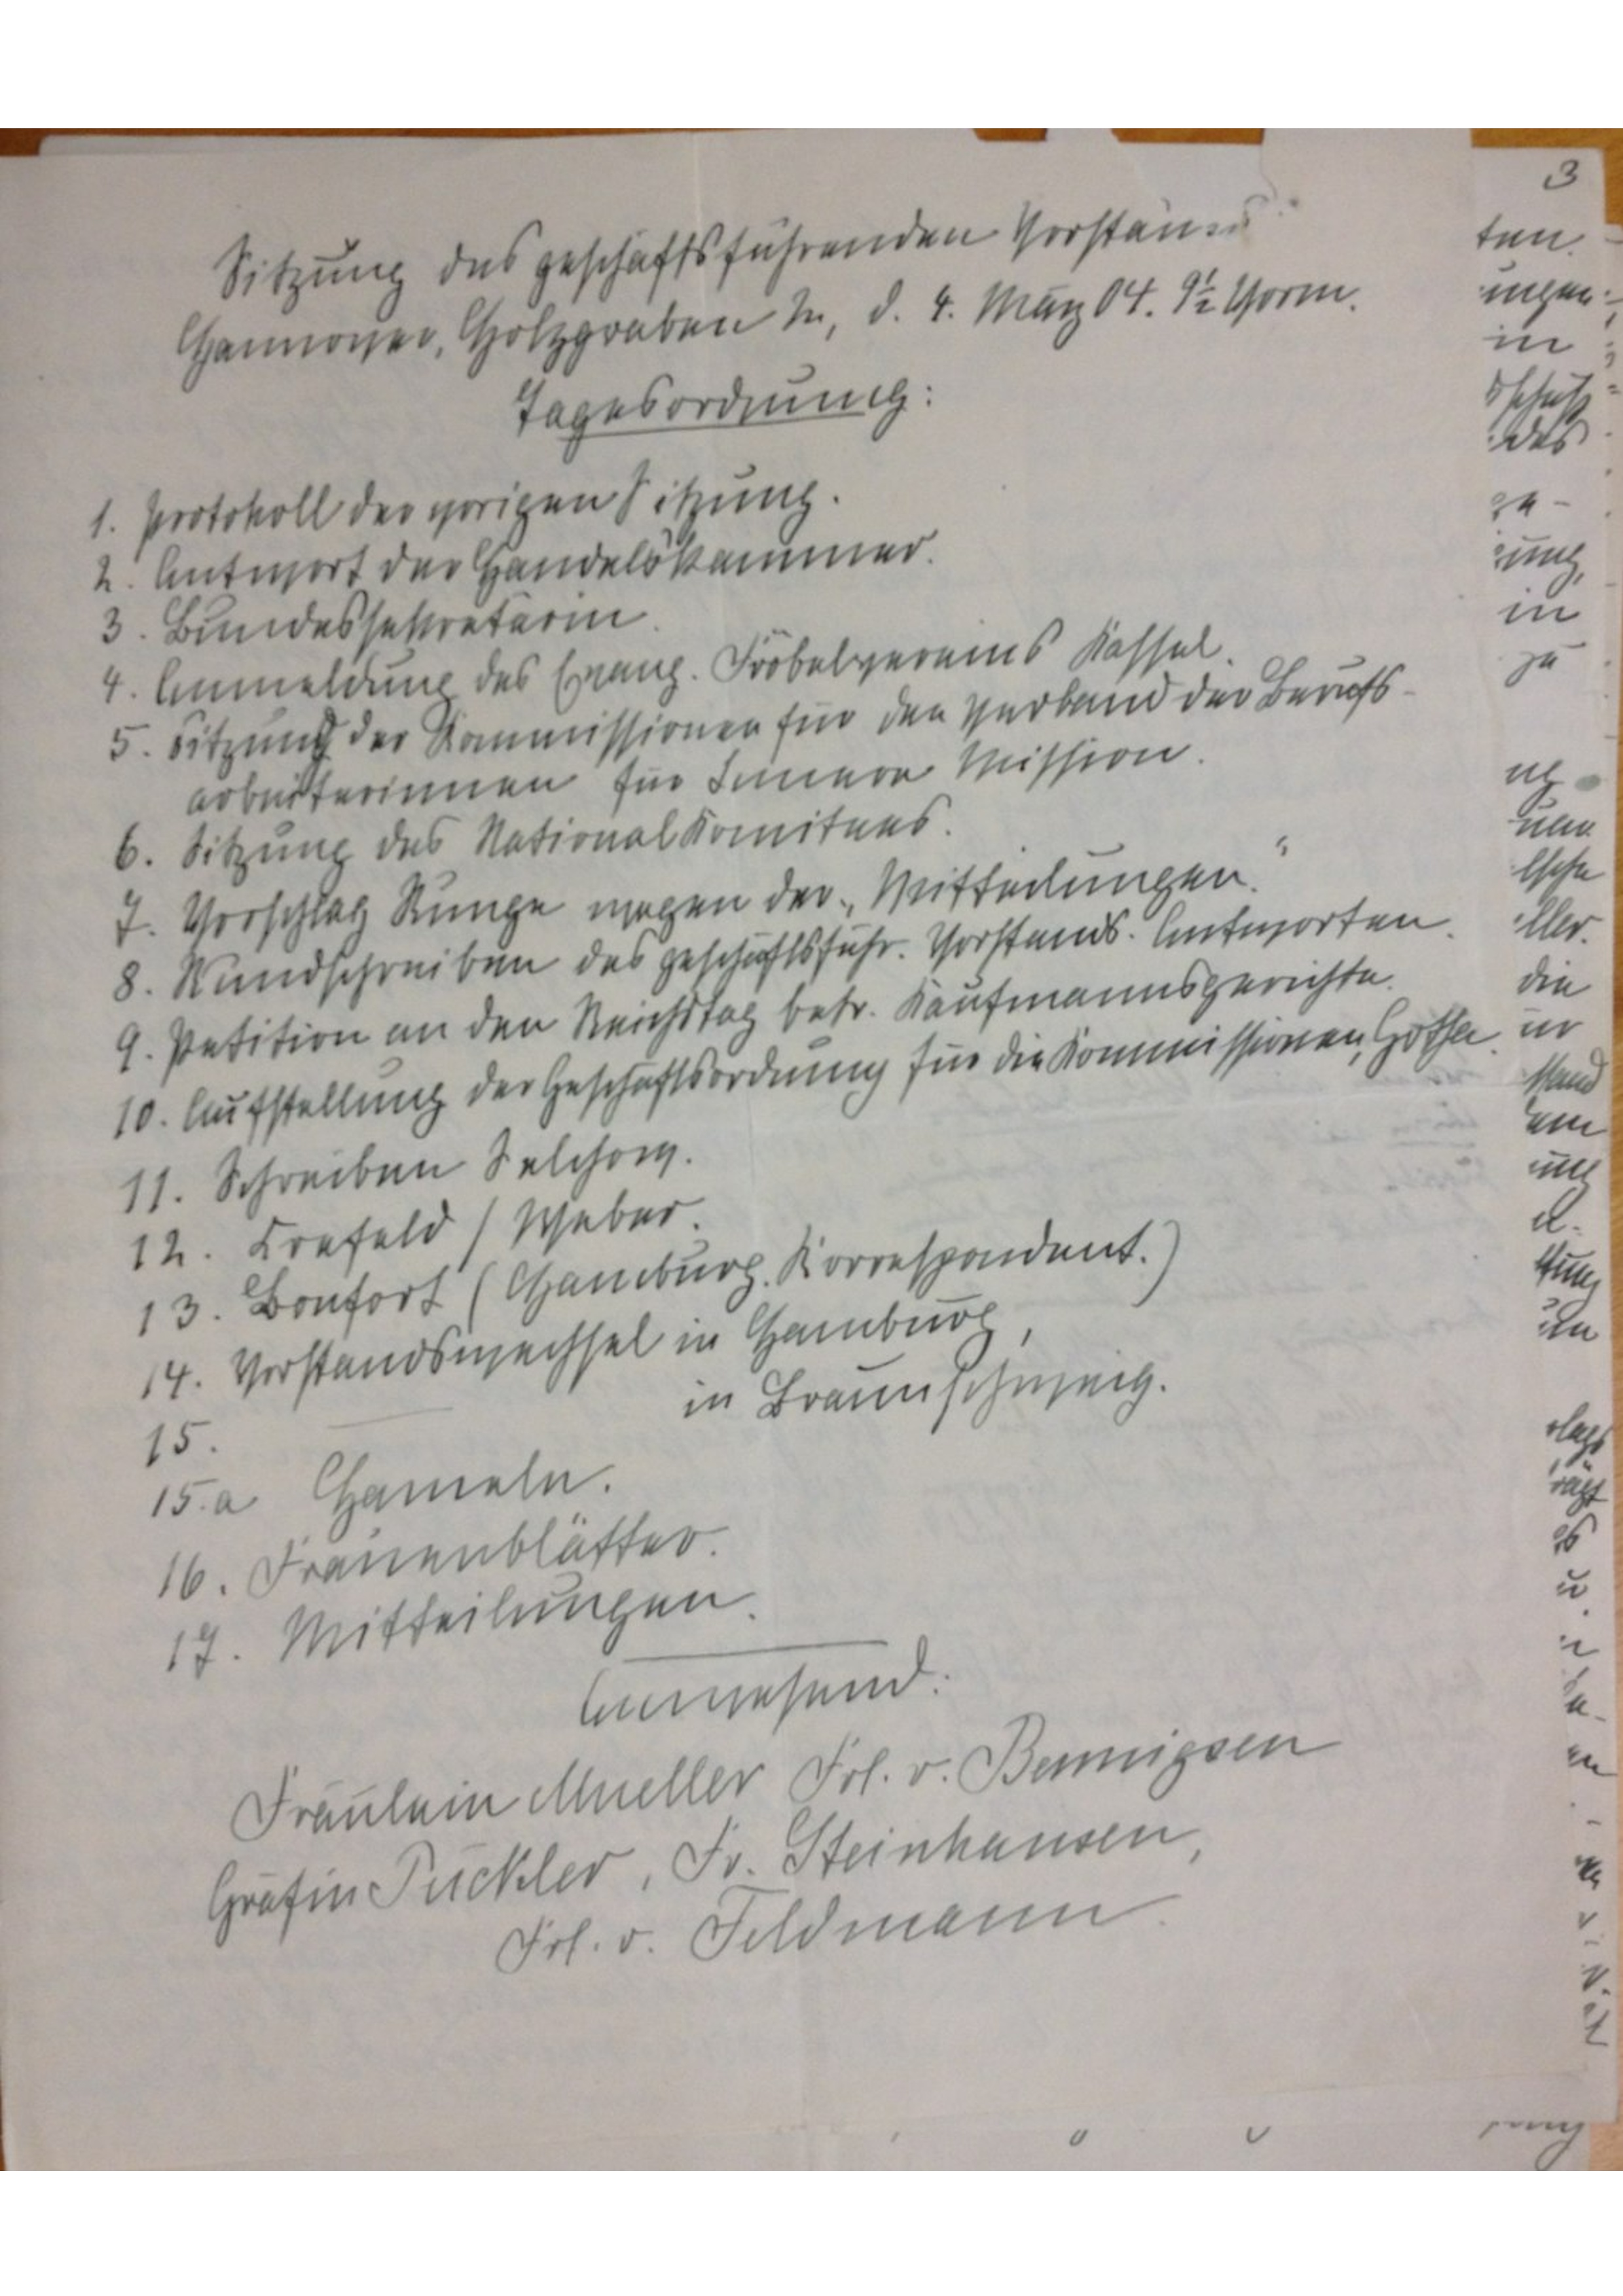Sitzung des geschäftsführenden Vorstands
Hannover, Holzgraben 9, d. 4. März 04 9½ Vorm.
Tagesordnung:
1. Protokoll der vorigen Sitzung
2. Antwort der Handelskammer
3. Bundessekretärin
4. Anmeldung des Evang. Bibelvereins Kassel
5. Sitzung der Kommissionen für die Vorstand der Berufs
arbeiterinnen für Innere Mission
6. Sitzung des Nationalkomitees
7. Vorschlag Runge wegen der „Mitteilungen"
8. Rundschrewiben des geschäftführ. Vorstand Antworten
9. Petition an den Reichstag betr. Kaufmannsgerichte
10. Aufstellung der Geschäftsordnung für die kommissionen, Gotha
11. Schreiben Selchom
12. Krefeld / Weber
korrespondent
13. Lonfort / Hamburg
14. Vorstandswechsel in Hamburg
in Braunschweig
15.
15.a Hameln
16. Frauenblätter
17. Mitteilungen
Anwesend
Fräulein Mueller Frl. v. Bennigsen
Gräfin Pückler, Fr. Steinhausen,
Frl. v. Feldmann